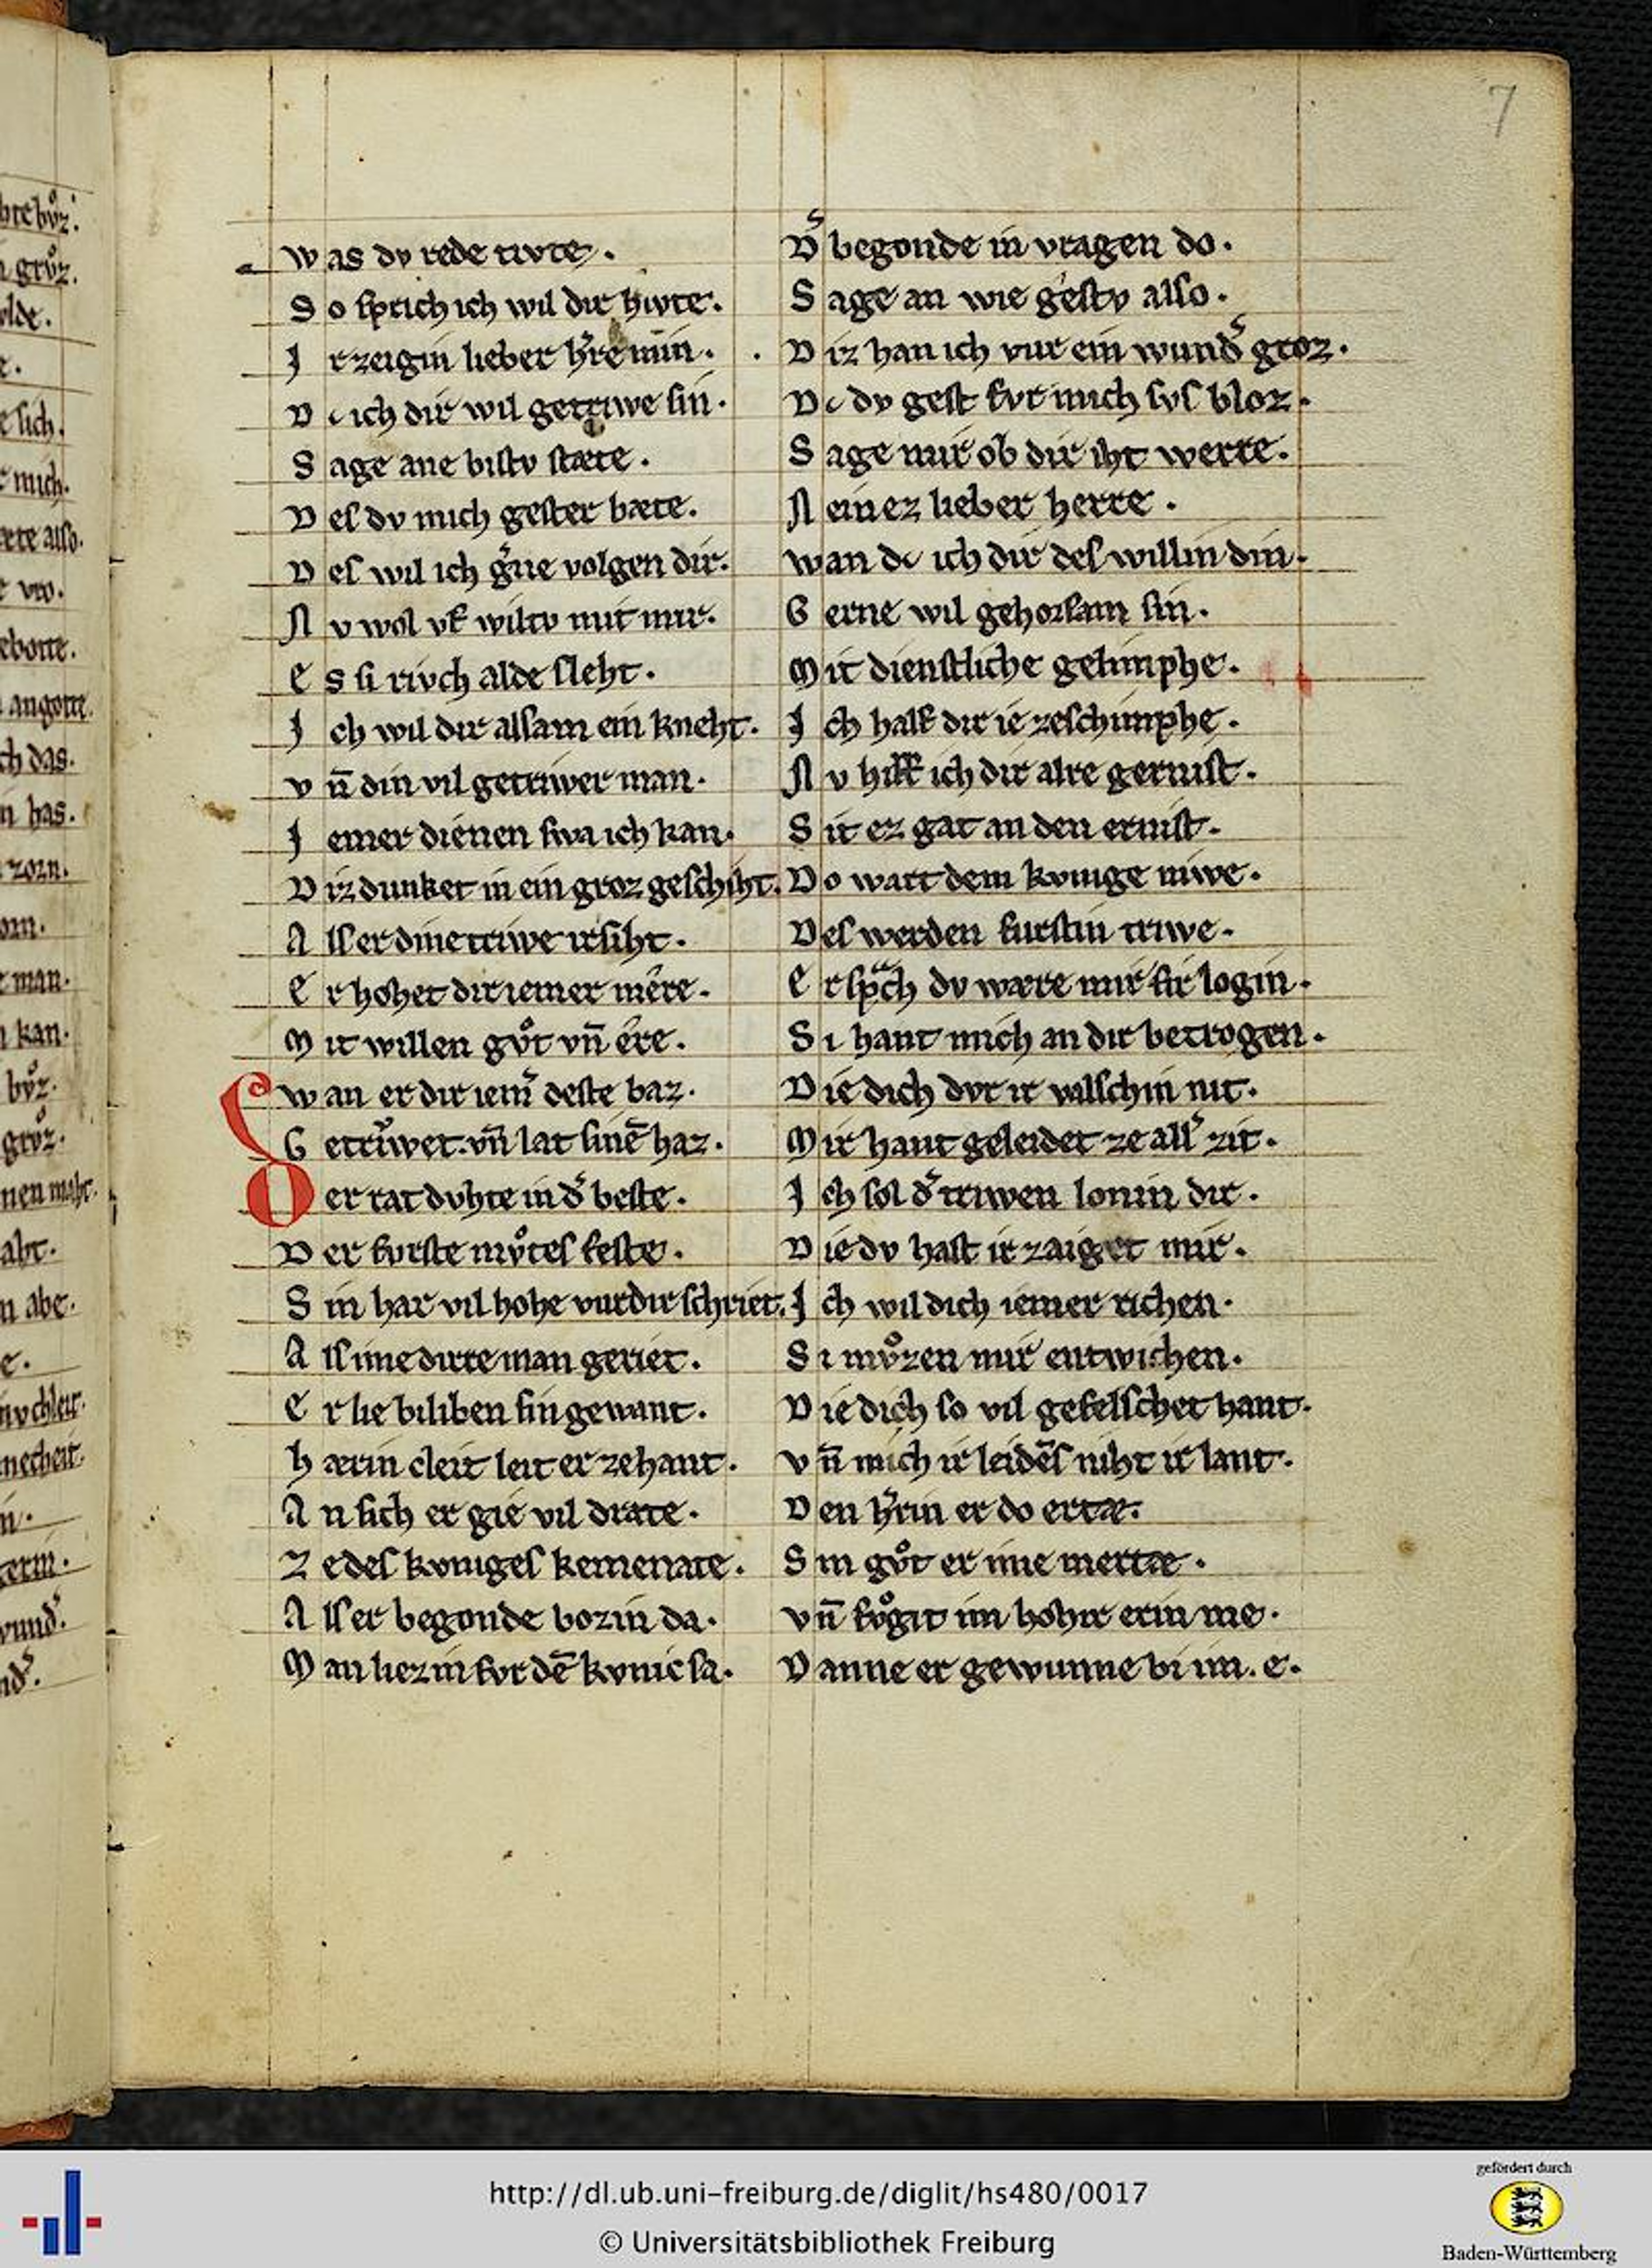Was dv rede tivte.
So ſprich ich wil dir hivte.
Irzeigin lieber h(er)re min.
D(az) ich dir wil getriwe ſin.
Sage ane biſtv ſt[ae]te.
Deſ dv mich geſter b[ae]te.
Deſ wil ich g(er)ne volgen dir.
Nv wol vf wiltv mit mir.
Es ſi rivch alde ſleht.
Ich wil dir alſam ein kneht.
Vn(d) din vil getriwer man.
Iemer dienen ſwa ich kan.
Diz dunket in ein groz geſchiht.
Alſ er dine triwe irſiht.
Er hohet dir iemer mere.
Mit willen gv°ot vn(d) ere.
Wan er dir iem(er) deſte baz.
Getri°vwet. vn(d) lat ſine(n) haz.
*Der rat dvhte in d(er) beſte.
Der fvrſte mv°oteſ feſte.
Sin har vil hohe vurdir ſchriet.
Alſ ime dirre man geriet.
Er lie biliben ſin gewant.
H[ae]rin cleit leit er zehant.
An ſich er gie vil drate.
Ze deſ kvnigeſ kemenate.
Alſ er begonde bozin da.
Man liez in fvr de(n) kvnic ſa.
D(er) begonde in vragen do.
Sage an wie geſtv alſo.
Diz han ich vur ein wund(er) groz.
D(az) dv geſt fvr mich ſvſ bloz.
Sage mir ob dir iht werre.
Neinez lieber herre.
Wan (daz) ich dir deſ willin din.
Gerne wil gehorſam ſin.
Mit dienſtliche gelimphe.
Ich half dir ie zeſchimphe.
Nv hiff ich dir alre gerniſt.
Sit ez gaz an den erniſt.
Do wart dem kvnige niwe.
Deſ werden furſtin triwe.
Er sp(ra)ch dv w[ae]re mir fir login.
Si hant mich an dir betrogen.
Die dich dvr ir valſchin nit.
Mir hant geleidet ze all(er) zit.
Ich ſol (der) triwen lonin dir.
Die dv haſt ir zaiget mir.
Ich wil dich iemer richen.
Si mv°ozen mir entwichen.
Die dich ſo vil gefelſchet hant.
Vn(d) mich ir leide(n)ſ niht ir lant.
Den h(er)rin er do ert[ae].
Sin gv°ot er ime mert[ae].
Vn(d) fv°ogit im hohir erin me.
Danne er gewunne bi im. e.